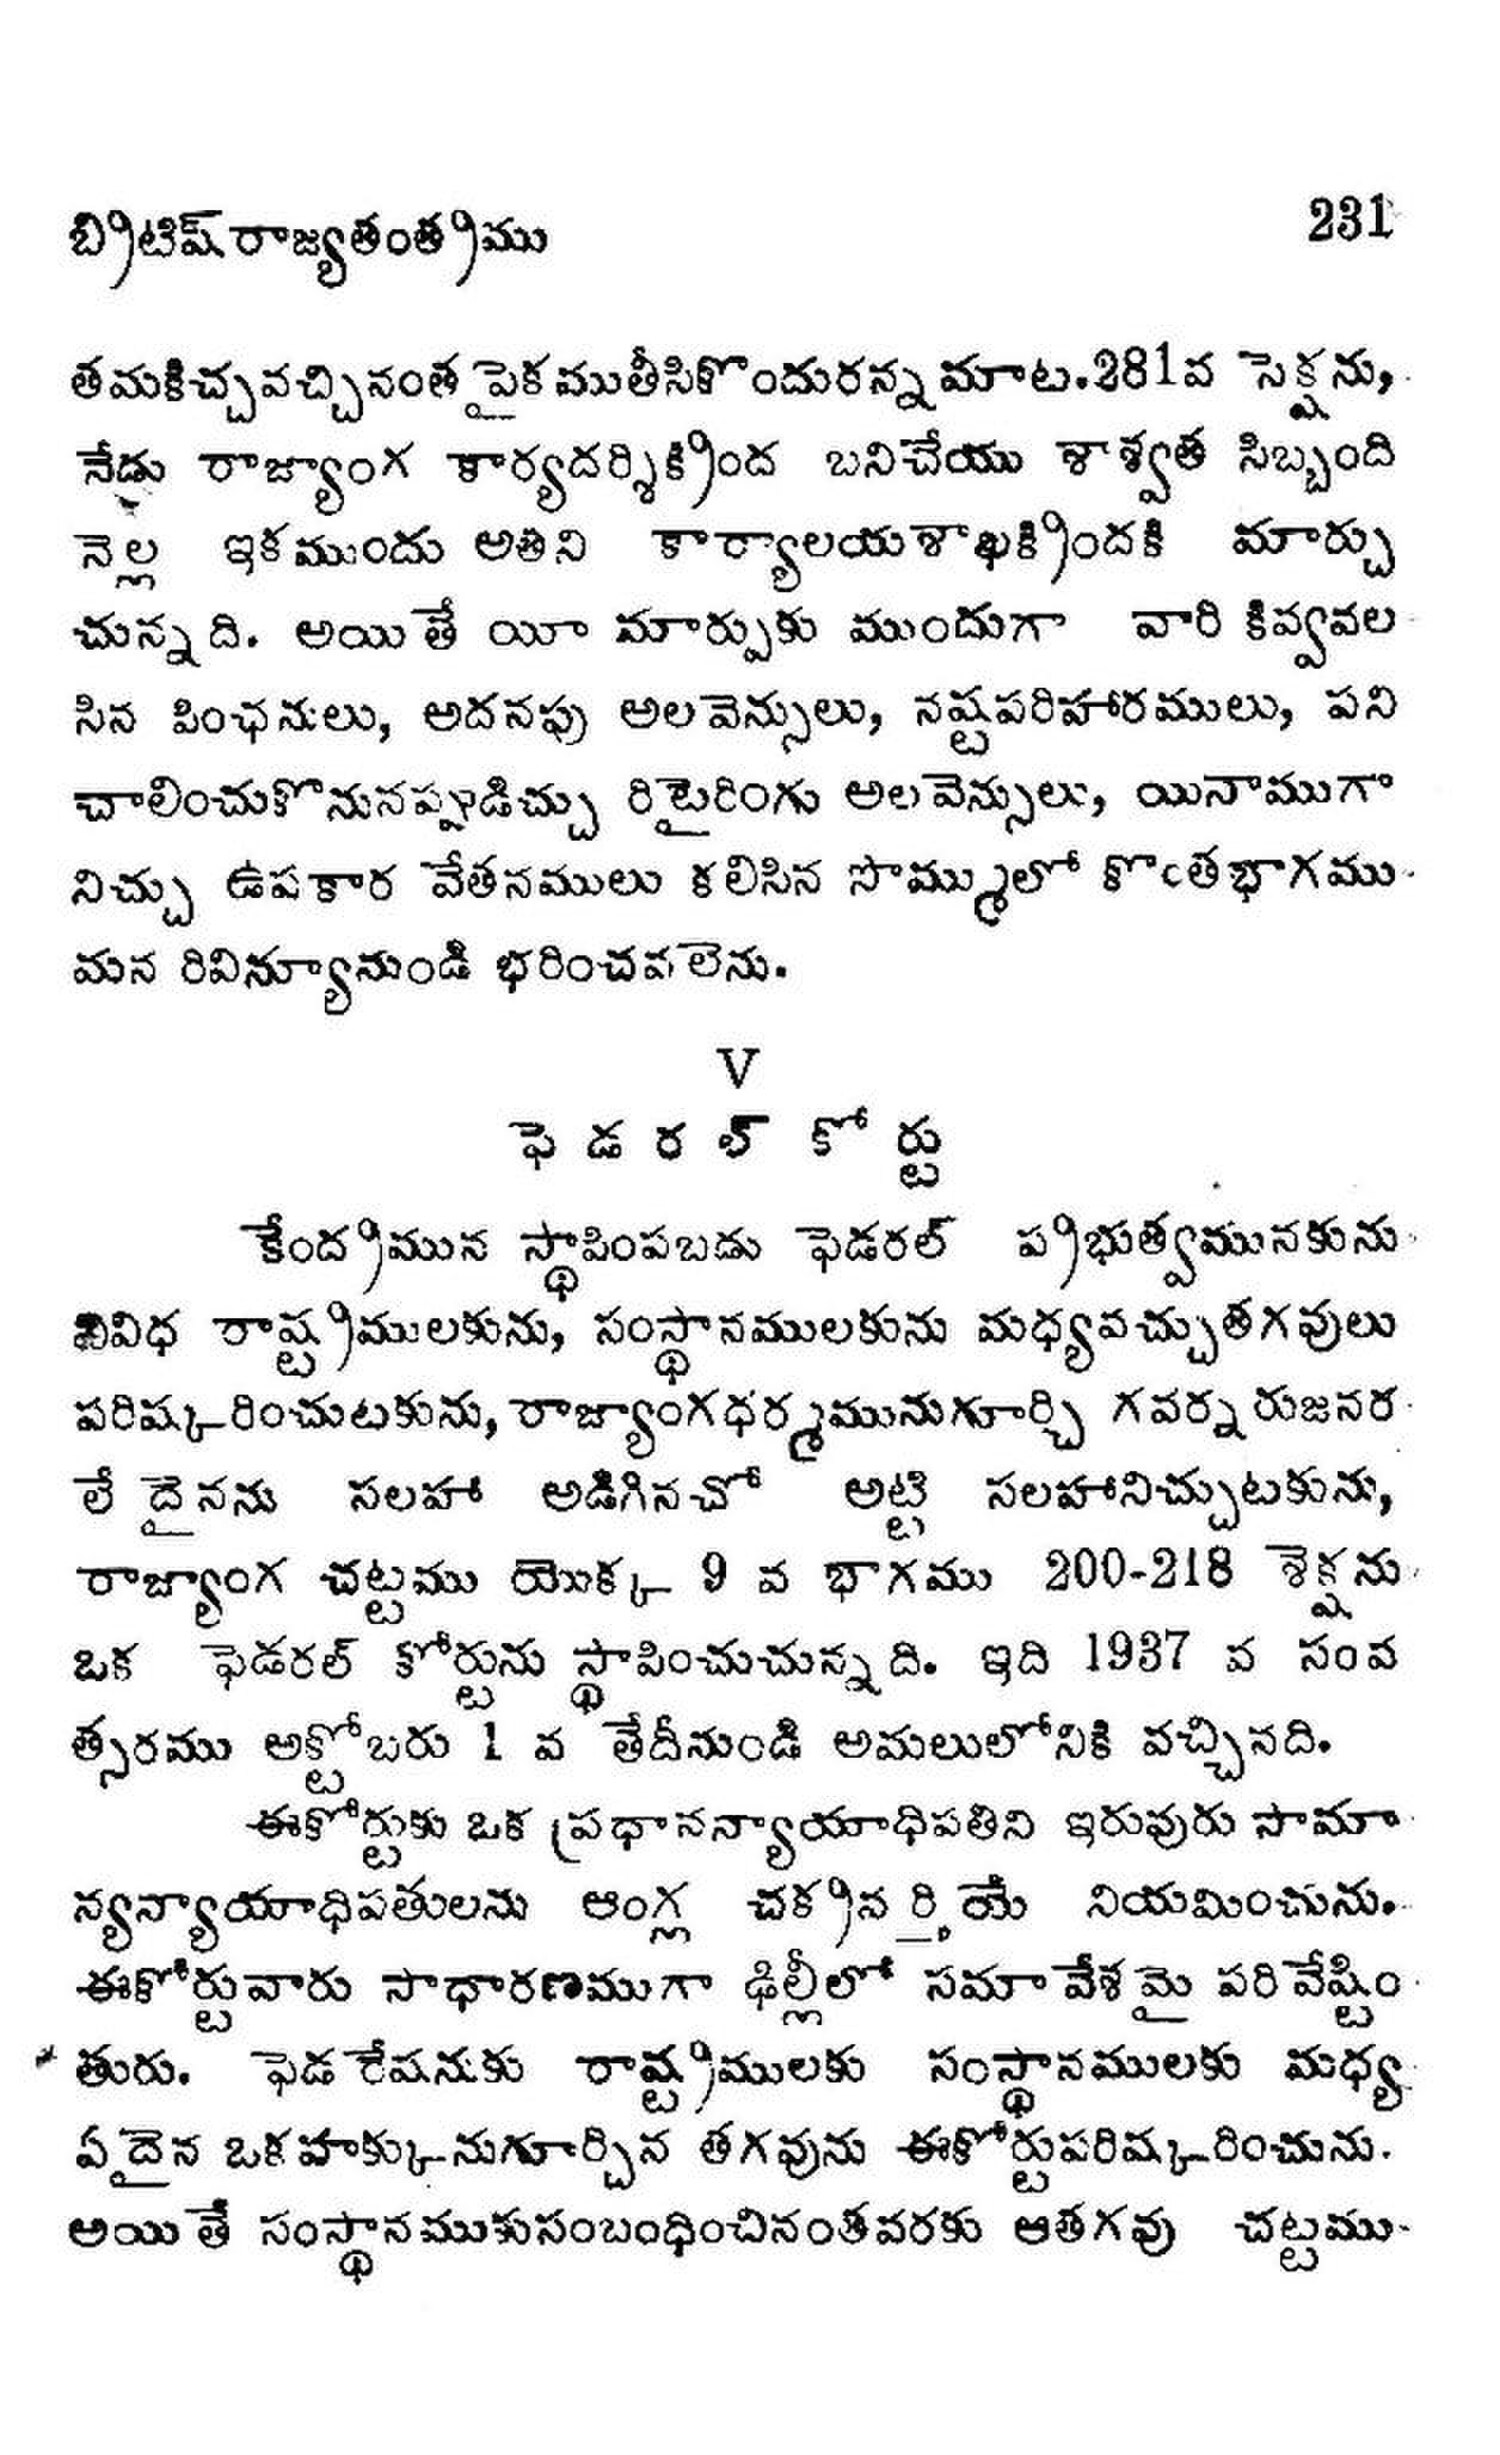తమకిచ్చవచ్చినంతపైకముతీసికొందురన్నమాట. 281వ సెక్షను, నేడు రాజ్యాంగ కార్యదర్శిక్రింద బనిచేయు శాశ్వత సిబ్బందినెల్ల ఇకముందు అతని కార్యాలయశాఖక్రిందకి మార్చుచున్నది. అయితే యీ మార్పుకు ముందుగా వారి కివ్వవలసిన పింఛనులు, అదనపు అలవెన్సులు, నష్టపరిహారములు, పనిచాలించుకొనునప్పుడిచ్చు రిటైరింగు అలవెన్సులు, యినాముగా నిచ్చు ఉపకార వేతనములు కలిసిన సొమ్ములో కొంతభాగము మన రివిన్యూనుండి భరించవలెను.

V
ఫెడరల్ కోర్టు

కేంద్రమున స్థాపింపబడు ఫెడరల్ ప్రభుత్వమునకును వివిధ రాష్ట్రములకును, సంస్థానములకును మధ్యవచ్చుతగవులు పరిష్కరించుటకును, రాజ్యాంగధర్మమునుగూర్చి గవర్నరుజనర లే దైనను సలహా అడిగినచో అట్టి సలహానిచ్చుటకును, రాజ్యాంగ చట్టము యొక్క 9 వ భాగము 200-218 శెక్షను ఒక ఫెడరల్ కోర్టును స్థాపించుచున్నది. ఇది 1937 వ సంవత్సరము అక్టోబరు 1 వ తేదీనుండి అమలులోనికి వచ్చినది.

ఈకోర్టుకు ఒక ప్రధానన్యాయాధిపతిని ఇరువురు సామాన్యన్యాయాధిపతులను ఆంగ్ల చక్రవర్తియే నియమించును. ఈకోర్టువారు సాధారణముగా ఢిల్లీలో సమావేశమై పరివేష్టింతురు. ఫెడరేషనుకు రాష్ట్రములకు సంస్థానములకు మధ్య ఏదైన ఒకహక్కునుగూర్చిన తగవును ఈకోర్టుపరిష్కరించును. అయితే సంస్థానముకు సంబంధించినంతవరకు ఆతగవు చట్టము